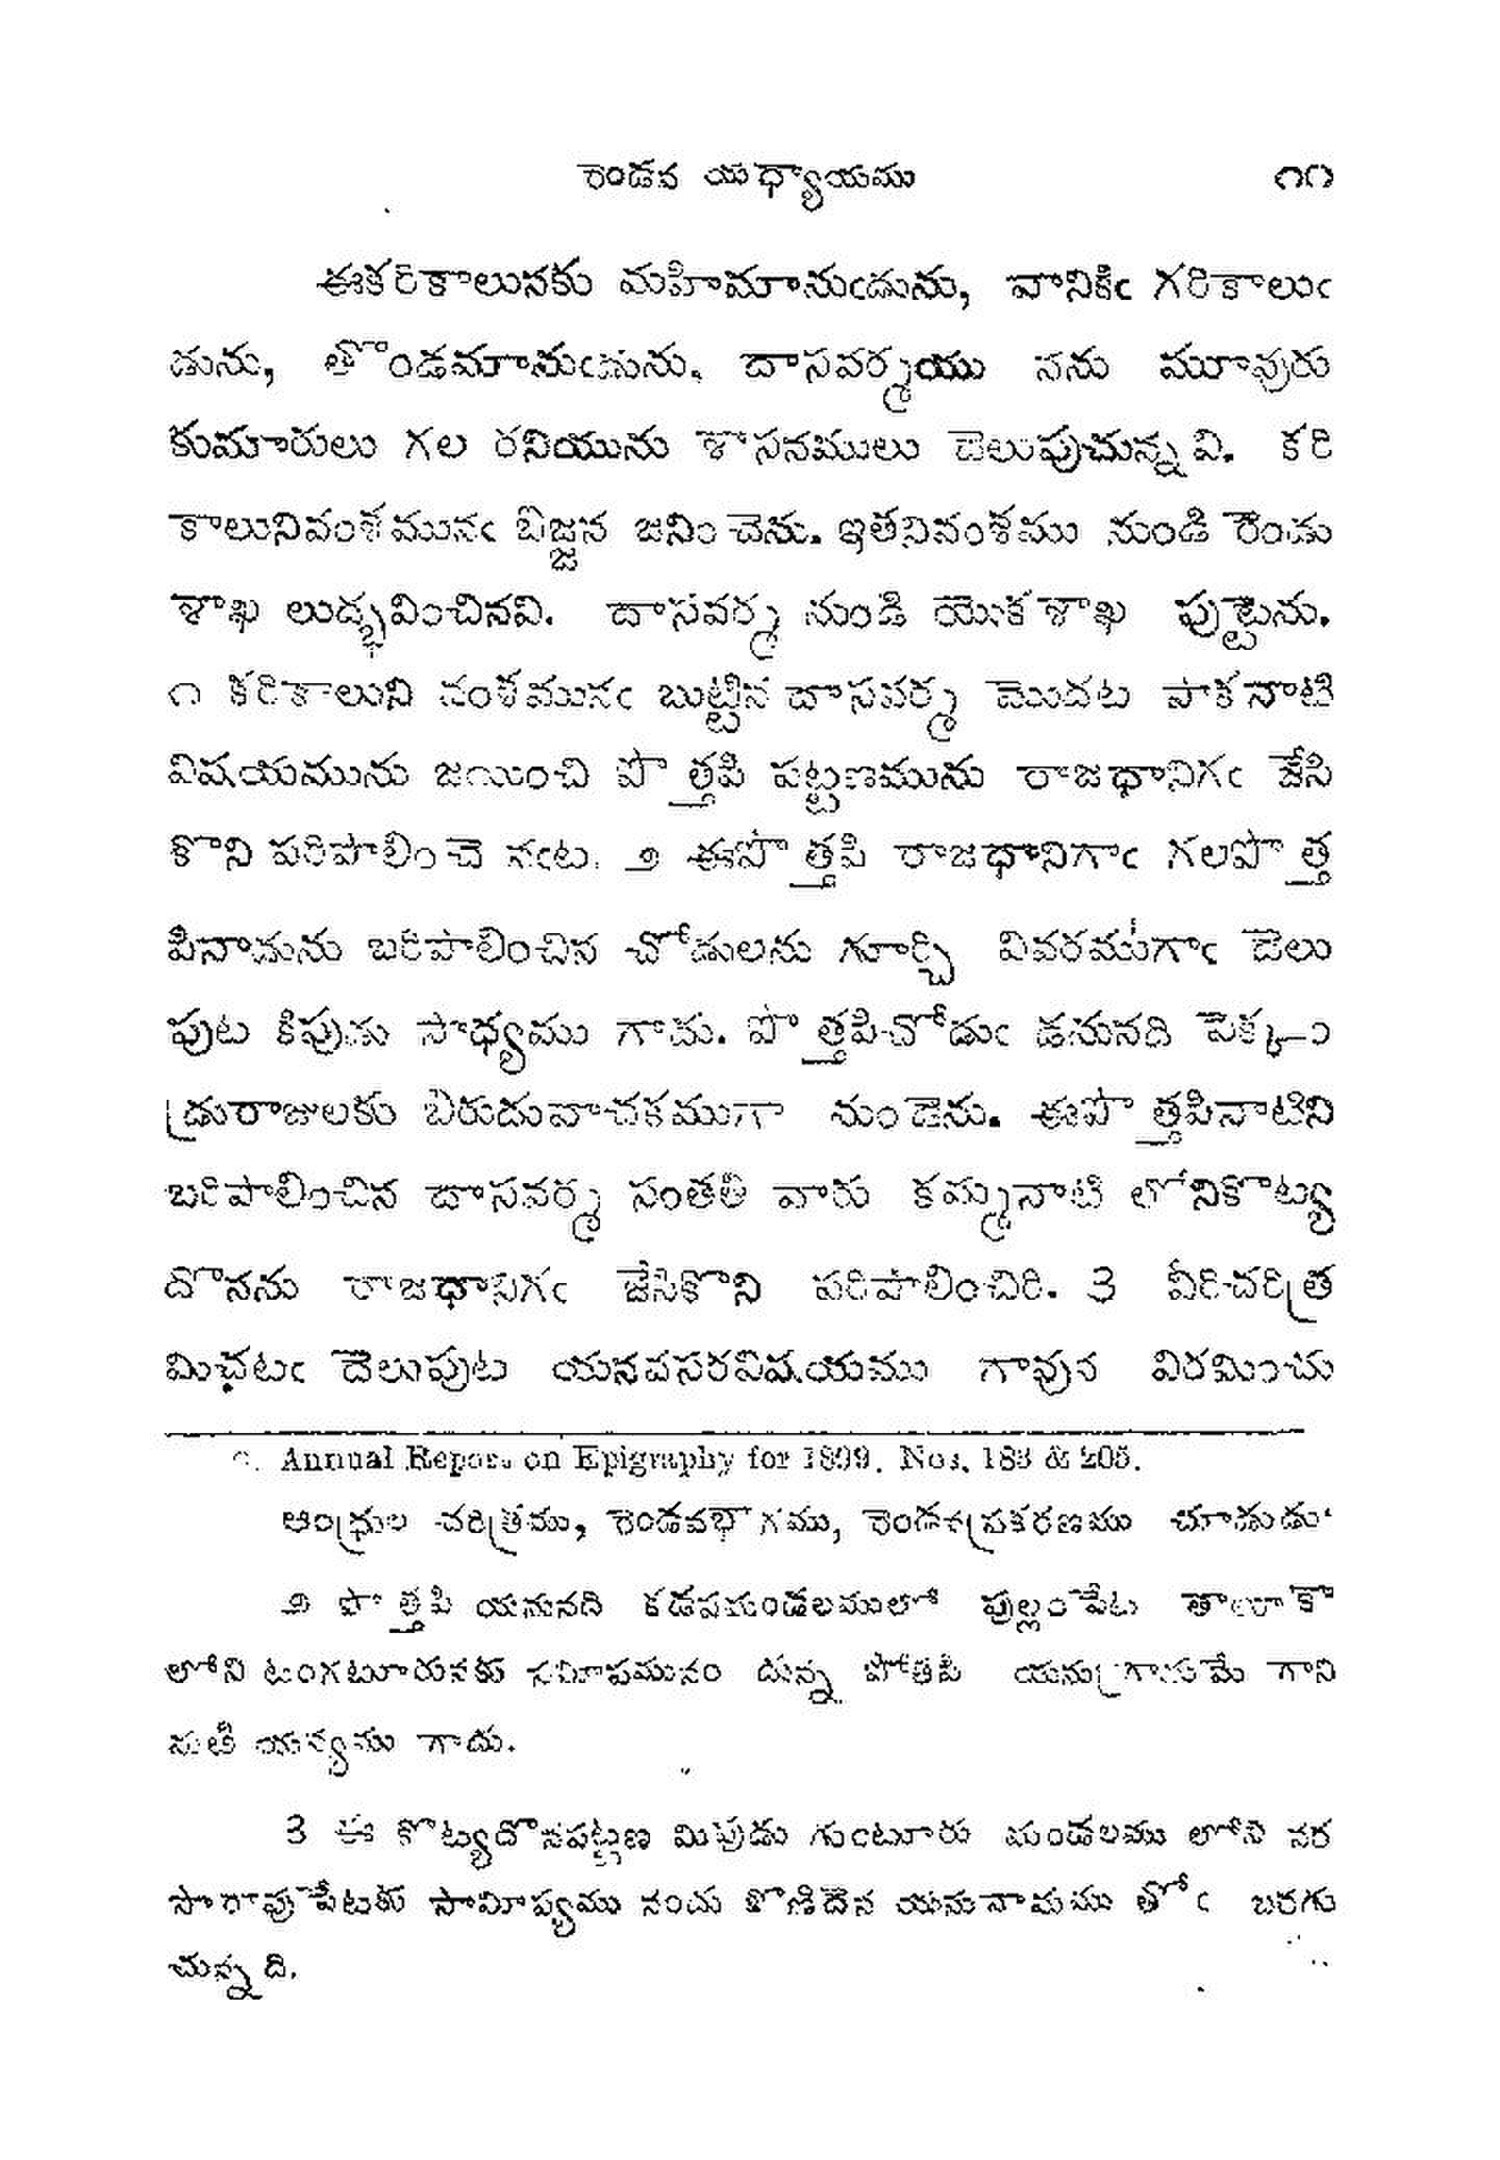ఈకరికాలునకు మహిమానుఁడును, వానికిఁ గరికాలుఁడును, తొండమానుఁడును, దాసవర్మయు నను మూవురు కుమారులు గల రనియును శాసనములు దెలుపుచున్నవి. కరికాలునివంశమునఁ బిజ్జన జనించెను. ఇతనివంశము నుండి రెండు శాఖ లుద్భవించినవి. దాసవర్మ నుండి యొకశాఖ పుట్టెను. కరికాలుని వంశమునఁ బుట్టిన దాసవర్మ మొదట పాకనాటి విషయమును జయించి పొత్తపి పట్టణమును రాజధానిగఁ జేసికొని పరిపాలించె నఁట. ఈపొత్తపి రాజధానిగాఁ గలపొత్తపినాడును బరిపాలించిన చోడులను గూర్చి వివరముగాఁ దెలుపుట కిప్పుడు సాధ్యము గాదు. పొత్తపిచోడుఁ డనునది పెక్కండ్రురాజులకు బిరుదువాచకముగా నుండెను. ఈపొత్తపినాటిని బరిపాలించిన దాసవర్మ సంతతి వారు కమ్మనాటి లోనికొట్యదొనను రాజధానిగఁ జేసికొని పరిపాలించిరి. వీరిచరిత్ర మిచటఁ దెలుపుట యనవసరవిషయము గావున విరమించు